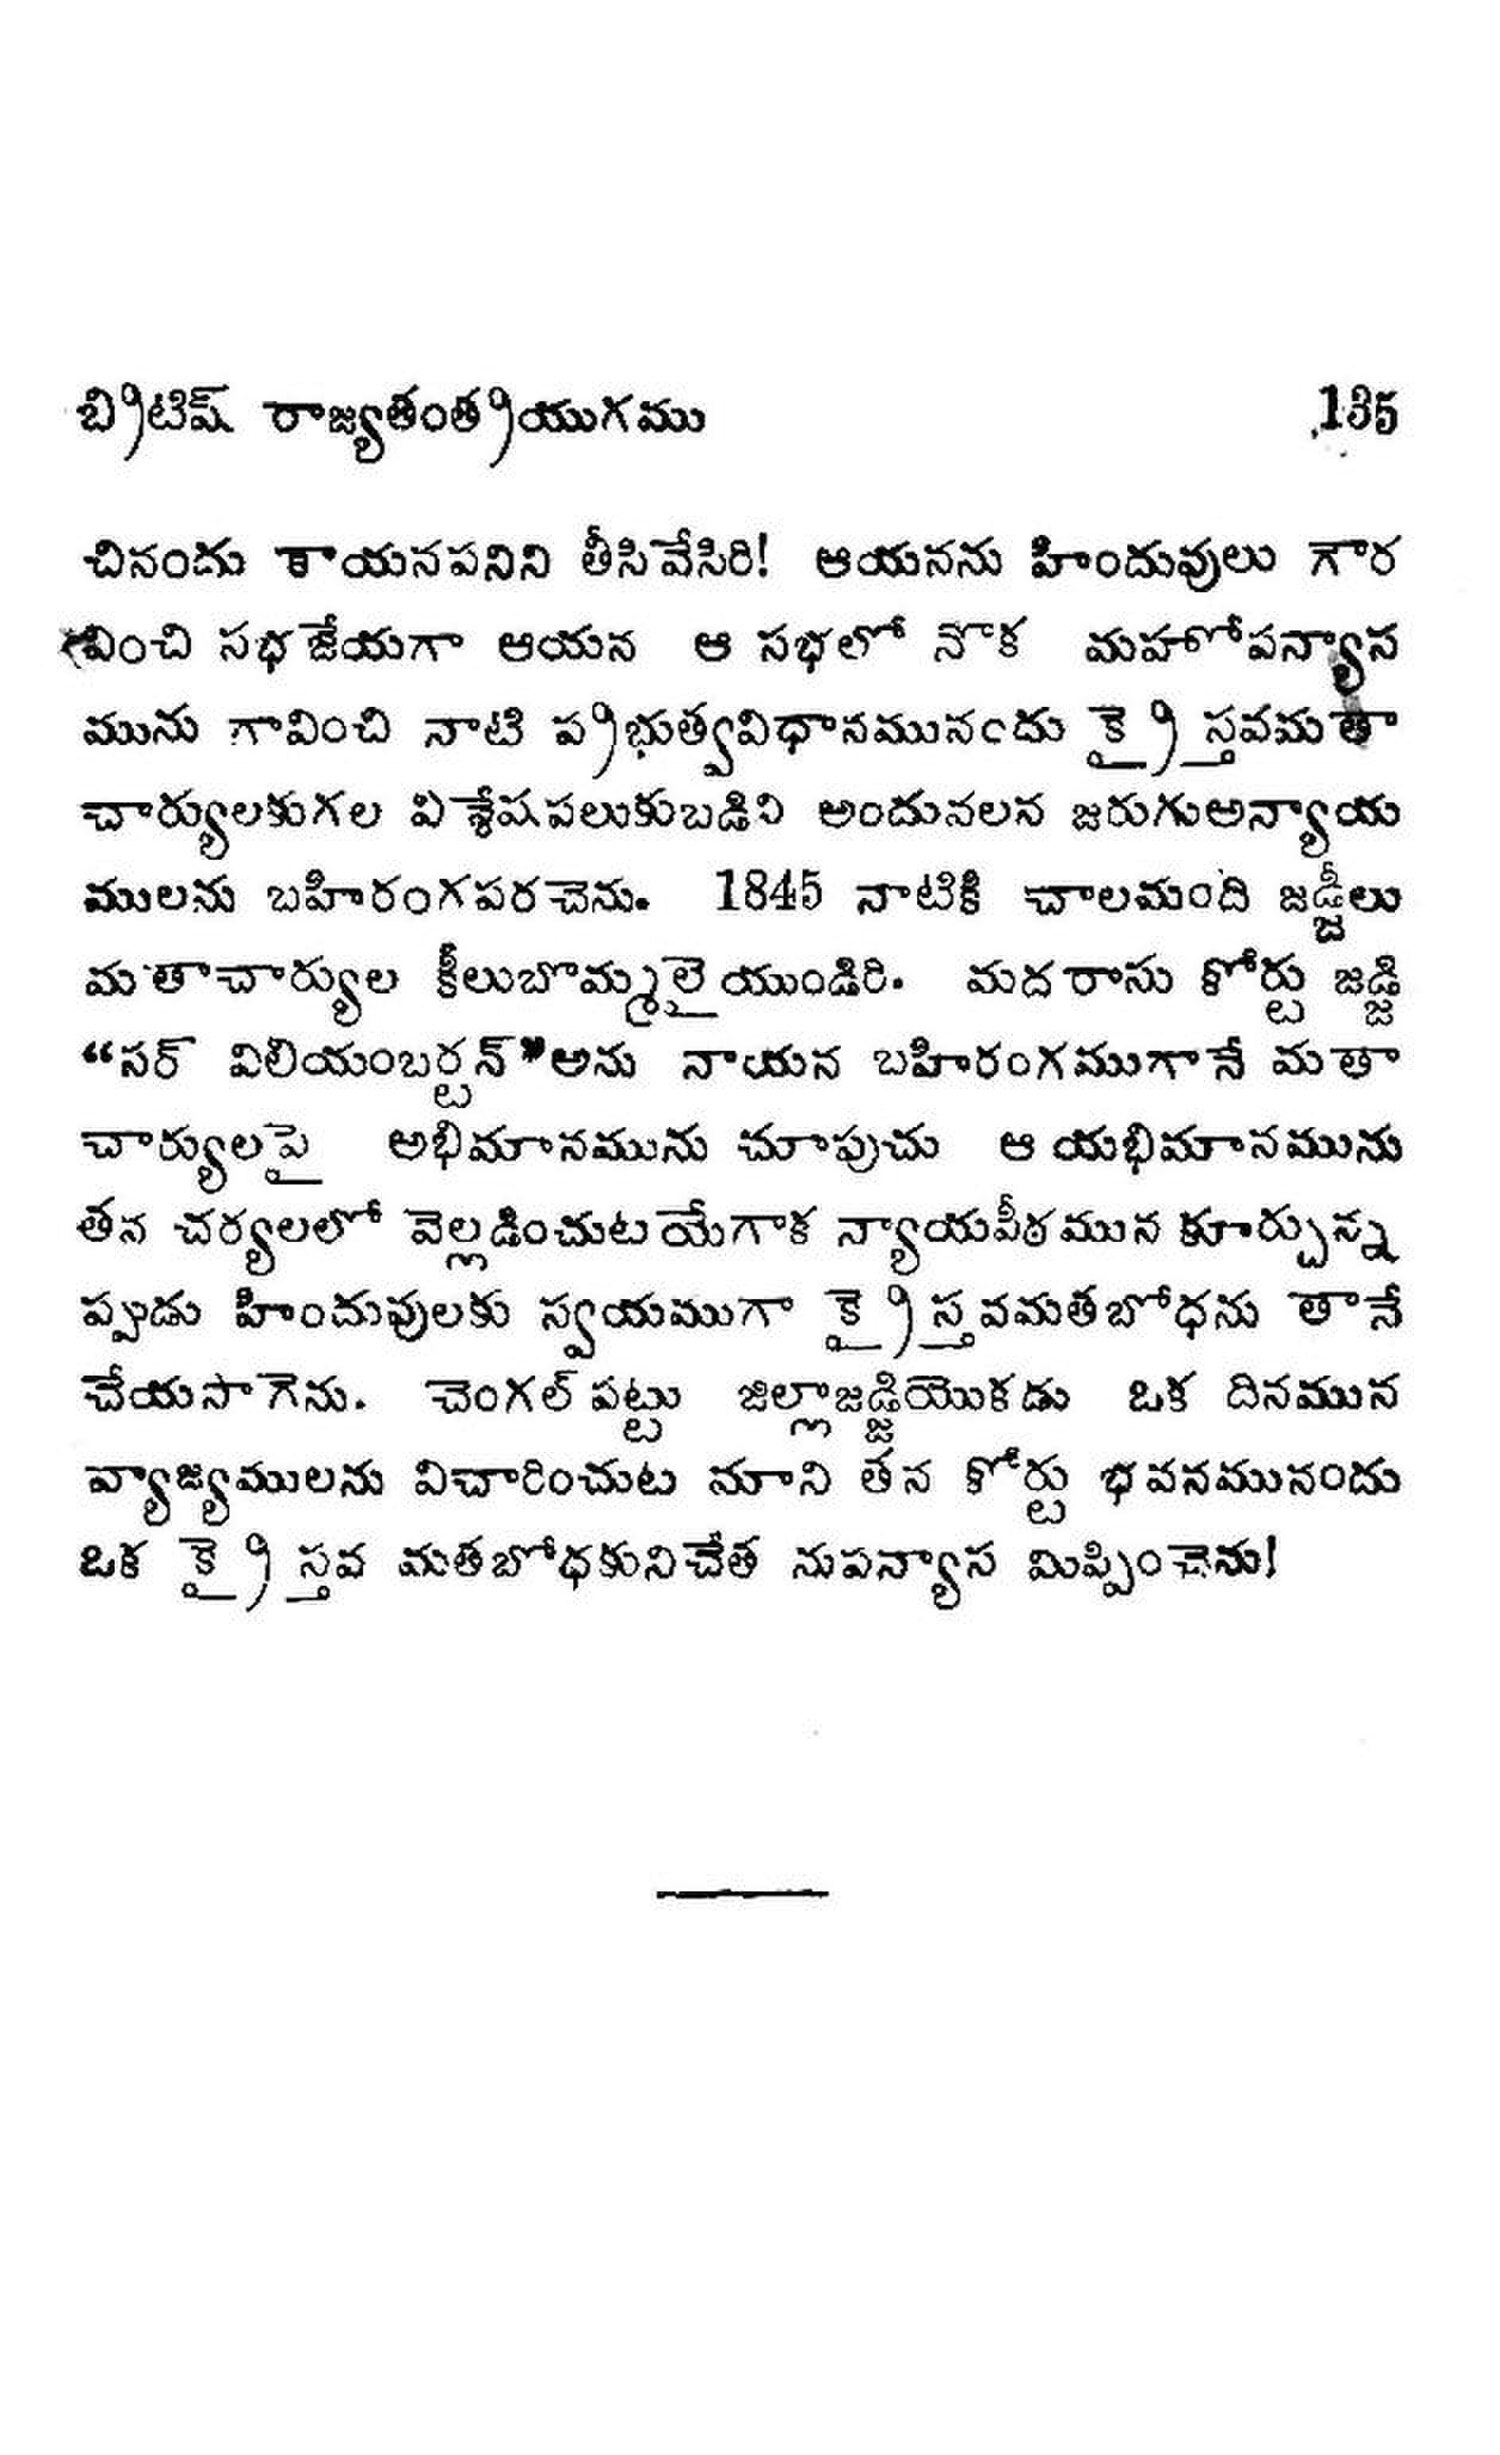చినందు కాయనపనిని తీసివేసిరి! ఆయనను హిందువులు గౌరవించి సభజేయగా ఆయన ఆసభలో నొక మహోపన్యాసమును గావించి నాటి ప్రభుత్వవిధానమునందు క్రైస్తవమతాచార్యులకుగల విశేషపలుకుబడిని అందువలన జరుగుఅన్యాయములను బహిరంగపరచెను. 1845 నాటికి చాలమంది జడ్జీలు మతాచార్యుల కీలుబొమ్మలైయుండిరి. మదరాసు కోర్టు జడ్జి “సర్ విలియంబర్టన్" అను నాయన బహిరంగముగానే మతాచార్యులపై అభిమానమును చూపుచు ఆ యభిమానమును తన చర్యలలో వెల్లడించుటయేగాక న్యాయపీఠమున కూర్చున్నప్పుడు హిందువులకు స్వయముగా క్రైస్తవమతబోధను తానే చేయసాగెను. చెంగల్‌పట్టు జిల్లాజడ్జి యొకడు ఒక దినమున వ్యాజ్యములను విచారించుట మాని తన కోర్టు భవనమునందు ఒక క్రైస్తవ మతబోధకునిచేత నుపన్యాస మిప్పించెను!